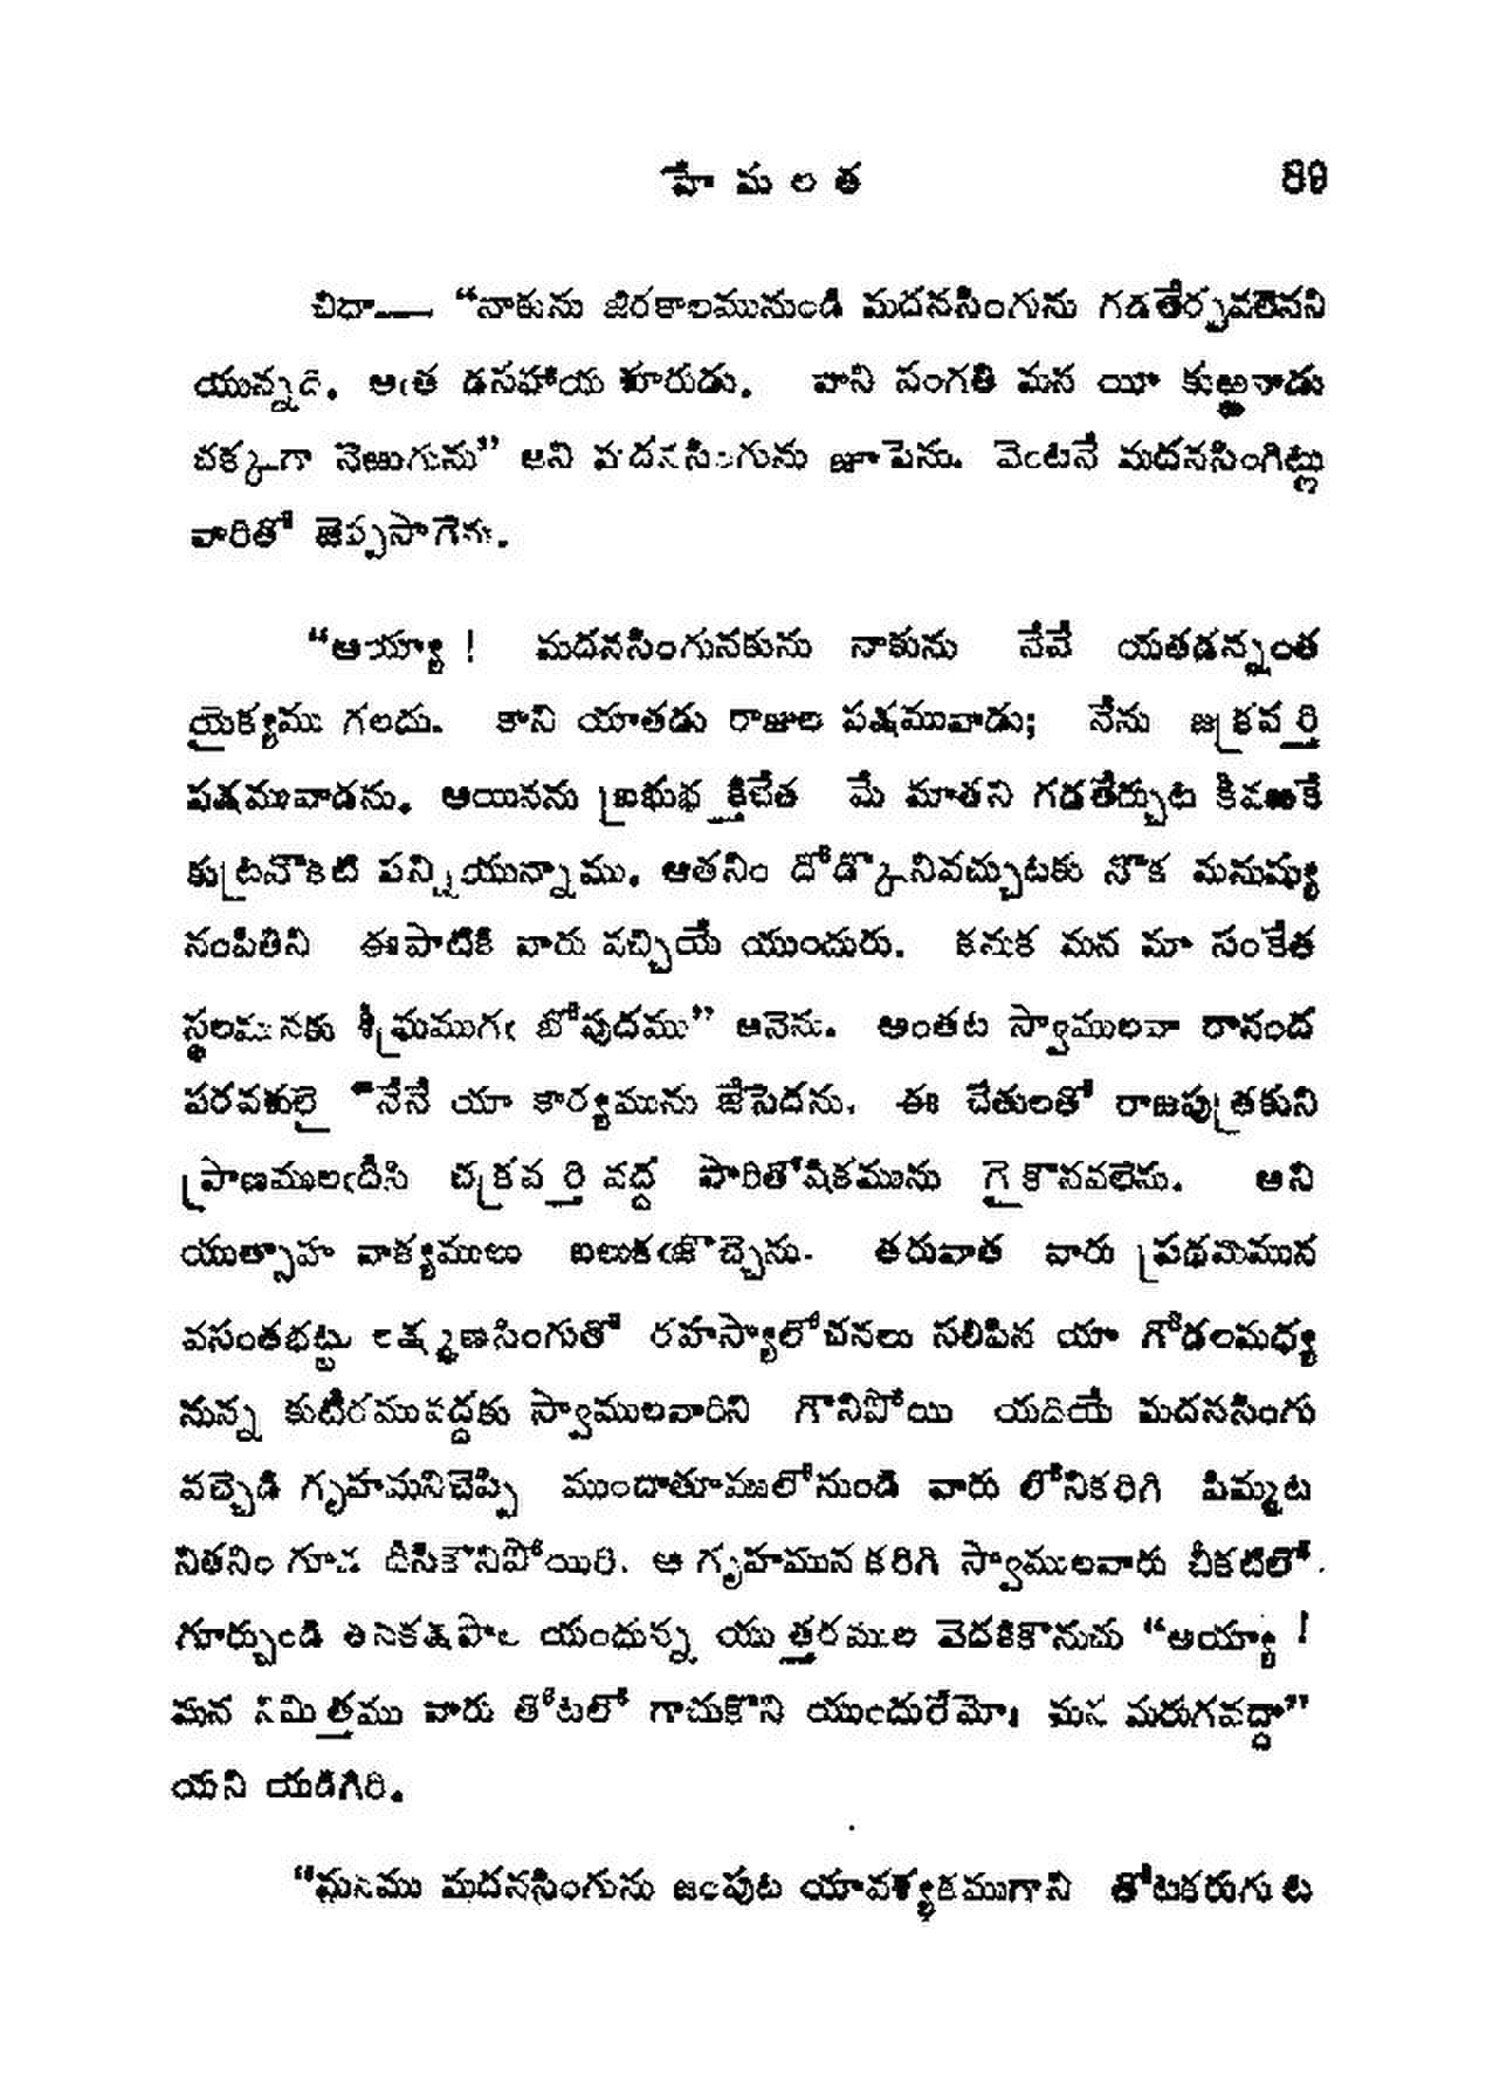చిదా — “నాకును జిరకాలమునుండి మదనసింగును గడతేర్చవలెనని యున్నది. అఁత డసహాయ శూరుడు. వాని సంగతి మన యీకుఱ్ఱవాడు చక్కగానెఱుగును” అని మదనసింగును జూపెను. వెంటనే మదనసింగట్లు వారితో జెప్పసాగెను.

“అయ్యా! మదనసింగునకును నాకును నేనే యత డన్నంతయైక్యము గలదు. కాని యాతడు రాజుల పక్షమువాడు; నేను చక్రవర్తి పక్షమువాడను. అయినను బ్రభుభక్తిచేత మేమాతని గడతేర్చుట కీవఱకే కుట్రనొకటి పన్నియున్నాము. అతనిం దోడ్కొనివచ్చుటకు నొక్కమనుష్యునంపితిని. ఈ పాటికి వారు వచ్చియే యుందురు. కనుక మన మా సంకేతస్థలమునకు శీఘ్రముగఁ బోవుదము” అనెను. అంతట స్వాముల వారానందపరవశులై “నేనే యాకార్యమును జేసెదను. ఈ చేతులతో రాజపుత్రకుని ప్రాణములదీసి చక్రవర్తివద్ద పారితోషికమును గైకొనవలెను. అని యుత్సాహ వాక్యములు బలుకఁ జొచ్చెను. తరువాత వారు ప్రథమమున వసంతభట్టు లక్ష్మణసింగుతో రహస్యాలోచనలు సలిపిన యా గోడలమధ్య నున్న కుటీరమువద్దకు స్వాములవారిని గొనిపోయి యదియే మదనసింగు వచ్చెడి గృహమనిచెప్పి ముందాతూములోనుండి వారు లోనికరిగి పిమ్మట నితనింగూడ దీసికొనిపోయిరి. ఆ గృహమున కరిగి స్వాములవారు చీకటిలో గూర్చుండి తనకక్షపాల యందున్న యుత్తరముల వెదకికొనుచు “అయ్యా! మన నిమిత్తము వారు తోటలో గాచుకొని యుందురేమో! మనమరుగవద్దా” యని యడిగిరి. 

“మనము మదనసింగును జంపుట యావశ్యకము గాని తోటకరుగుట